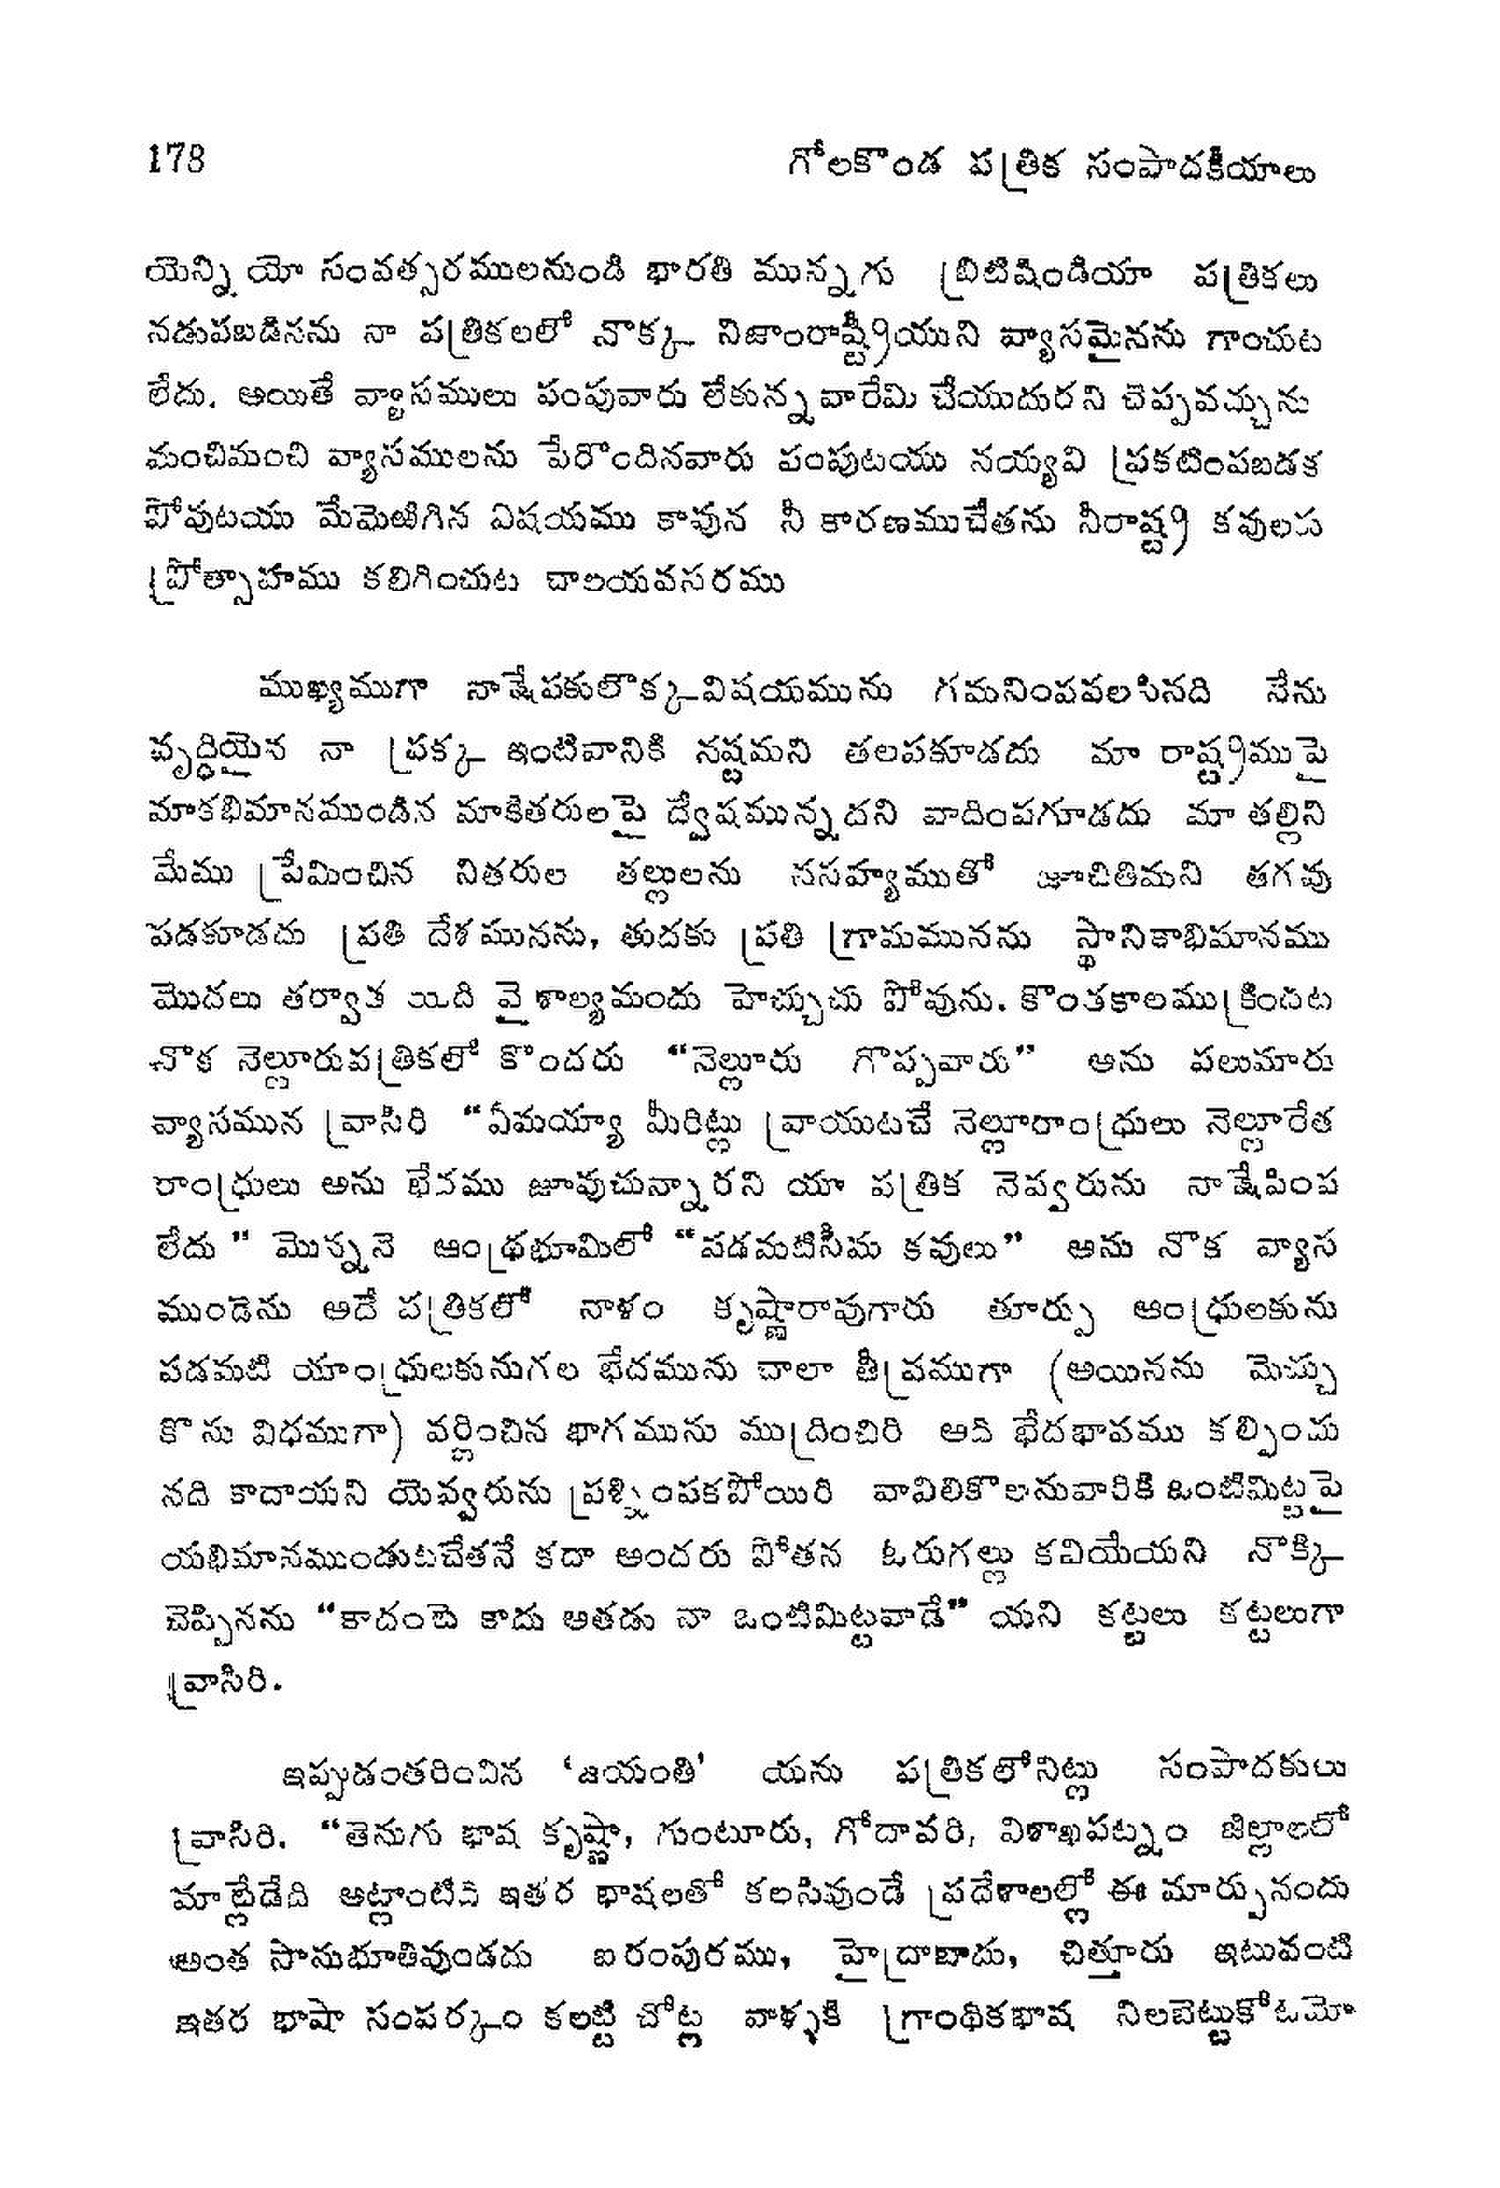యెన్ని యో సంవత్సరములనుండి భారతి మున్నగు బ్రిటిషిండియా పత్రికలు నడుపబడినను నా పత్రికలలో నొక్క నిజాంరాష్ట్రీయుని వ్యాసమైనను గాంచుట లేదు. అయితే వ్యాసములు పంపువారు లేకున్నవారేమి చేయుదురని చెప్పవచ్చును మంచిమంచి వ్యాసములను పేరొందినవారు పంపుటయు నయ్యవి ప్రకటింపబడక పోవుటయు మేమెఱిగిన విషయము కావున నీ కారణముచేతను నీరాష్ట్ర కవులకు ప్రోత్సాహము కలిగించుట చాలయవసరము

ముఖ్యముగా నాక్షేపకులొక్క విషయమును గమనింపవలసినది నేను వృద్ధియైన నా ప్రక్క ఇంటివానికి నష్టమని తలపకూడదు మా రాష్ట్రముపై మాకభిమానముండిన మాకితరులపై ద్వేషమున్నదని వాదింపగూడదు మా తల్లిని మేము ప్రేమించిన నితరుల తల్లులను నసహ్యముతో జూచితిమని తగవు పడకూడదు ప్రతి దేశమునను, తుదకు ప్రతి గ్రామమునను స్థానికాభిమానము మొదలు తర్వాత యిది వైశాల్యమందు హెచ్చుచు పోవును. కొంతకాలము క్రిందట నొక నెల్లూరుపత్రికలో కొందరు "నెల్లూరు గొప్పవారు" అను పలుమారు వ్యాసమున వ్రాసిరి "ఏమయ్యా మీరిట్లు వ్రాయుటచే నెల్లూరాంధ్రులు నెల్లూరేత రాంధ్రులు అను భేదము జూపుచున్నారని యా పత్రిక నెవ్వరును నా క్షేపింప లేదు " మొన్ననె ఆంధ్రభూమిలో "పడమటిసీమ కవులు" అను నొక వ్యాస ముండెను అదే పత్రికలో నాళం కృష్ణారావుగారు తూర్పు ఆంధ్రులకును పడమటి యాంధ్రులకునుగల భేదమును చాలా తీవ్రముగా (అయినను మెచ్చుకొను విధముగా) వర్ణించిన భాగమును ముద్రించిరి అది భేదభావము కల్పించునది కాదాయని యెవ్వరును ప్రశ్నింపకపోయిరి వావిలికొలనువారికి ఒంటిమిట్టపై యభిమానముండుటచేతనే కదా అందరు పోతన ఓరుగల్లు కవియేయని నొక్కి చెప్పినను “కాదంటె కాదు అతడు నా ఒంటిమిట్టవాడే" యని కట్టలు కట్టలుగా వ్రాసిరి.

ఇప్పుడంతరించిన 'జయంతి' యను పత్రికలోనిట్లు సంపాదకులు వ్రాసిరి. "తెనుగు భాష కృష్ణా, గుంటూరు, గోదావరి, విశాఖపట్నం జిల్లాలలో మాట్లేడేది అట్లాంటిది ఇతర భాషలతో కలసివుండే ప్రదేశాలల్లో ఈ మార్పునందు అంత సానుభూతివుండదు బరంపురము, హైద్రాబాదు, చిత్తూరు ఇటువంటి ఇతర భాషా సంపర్కం కలట్టి చోట్ల వాళ్ళకి గ్రాంథికభాష నిలబెట్టుకోటమో